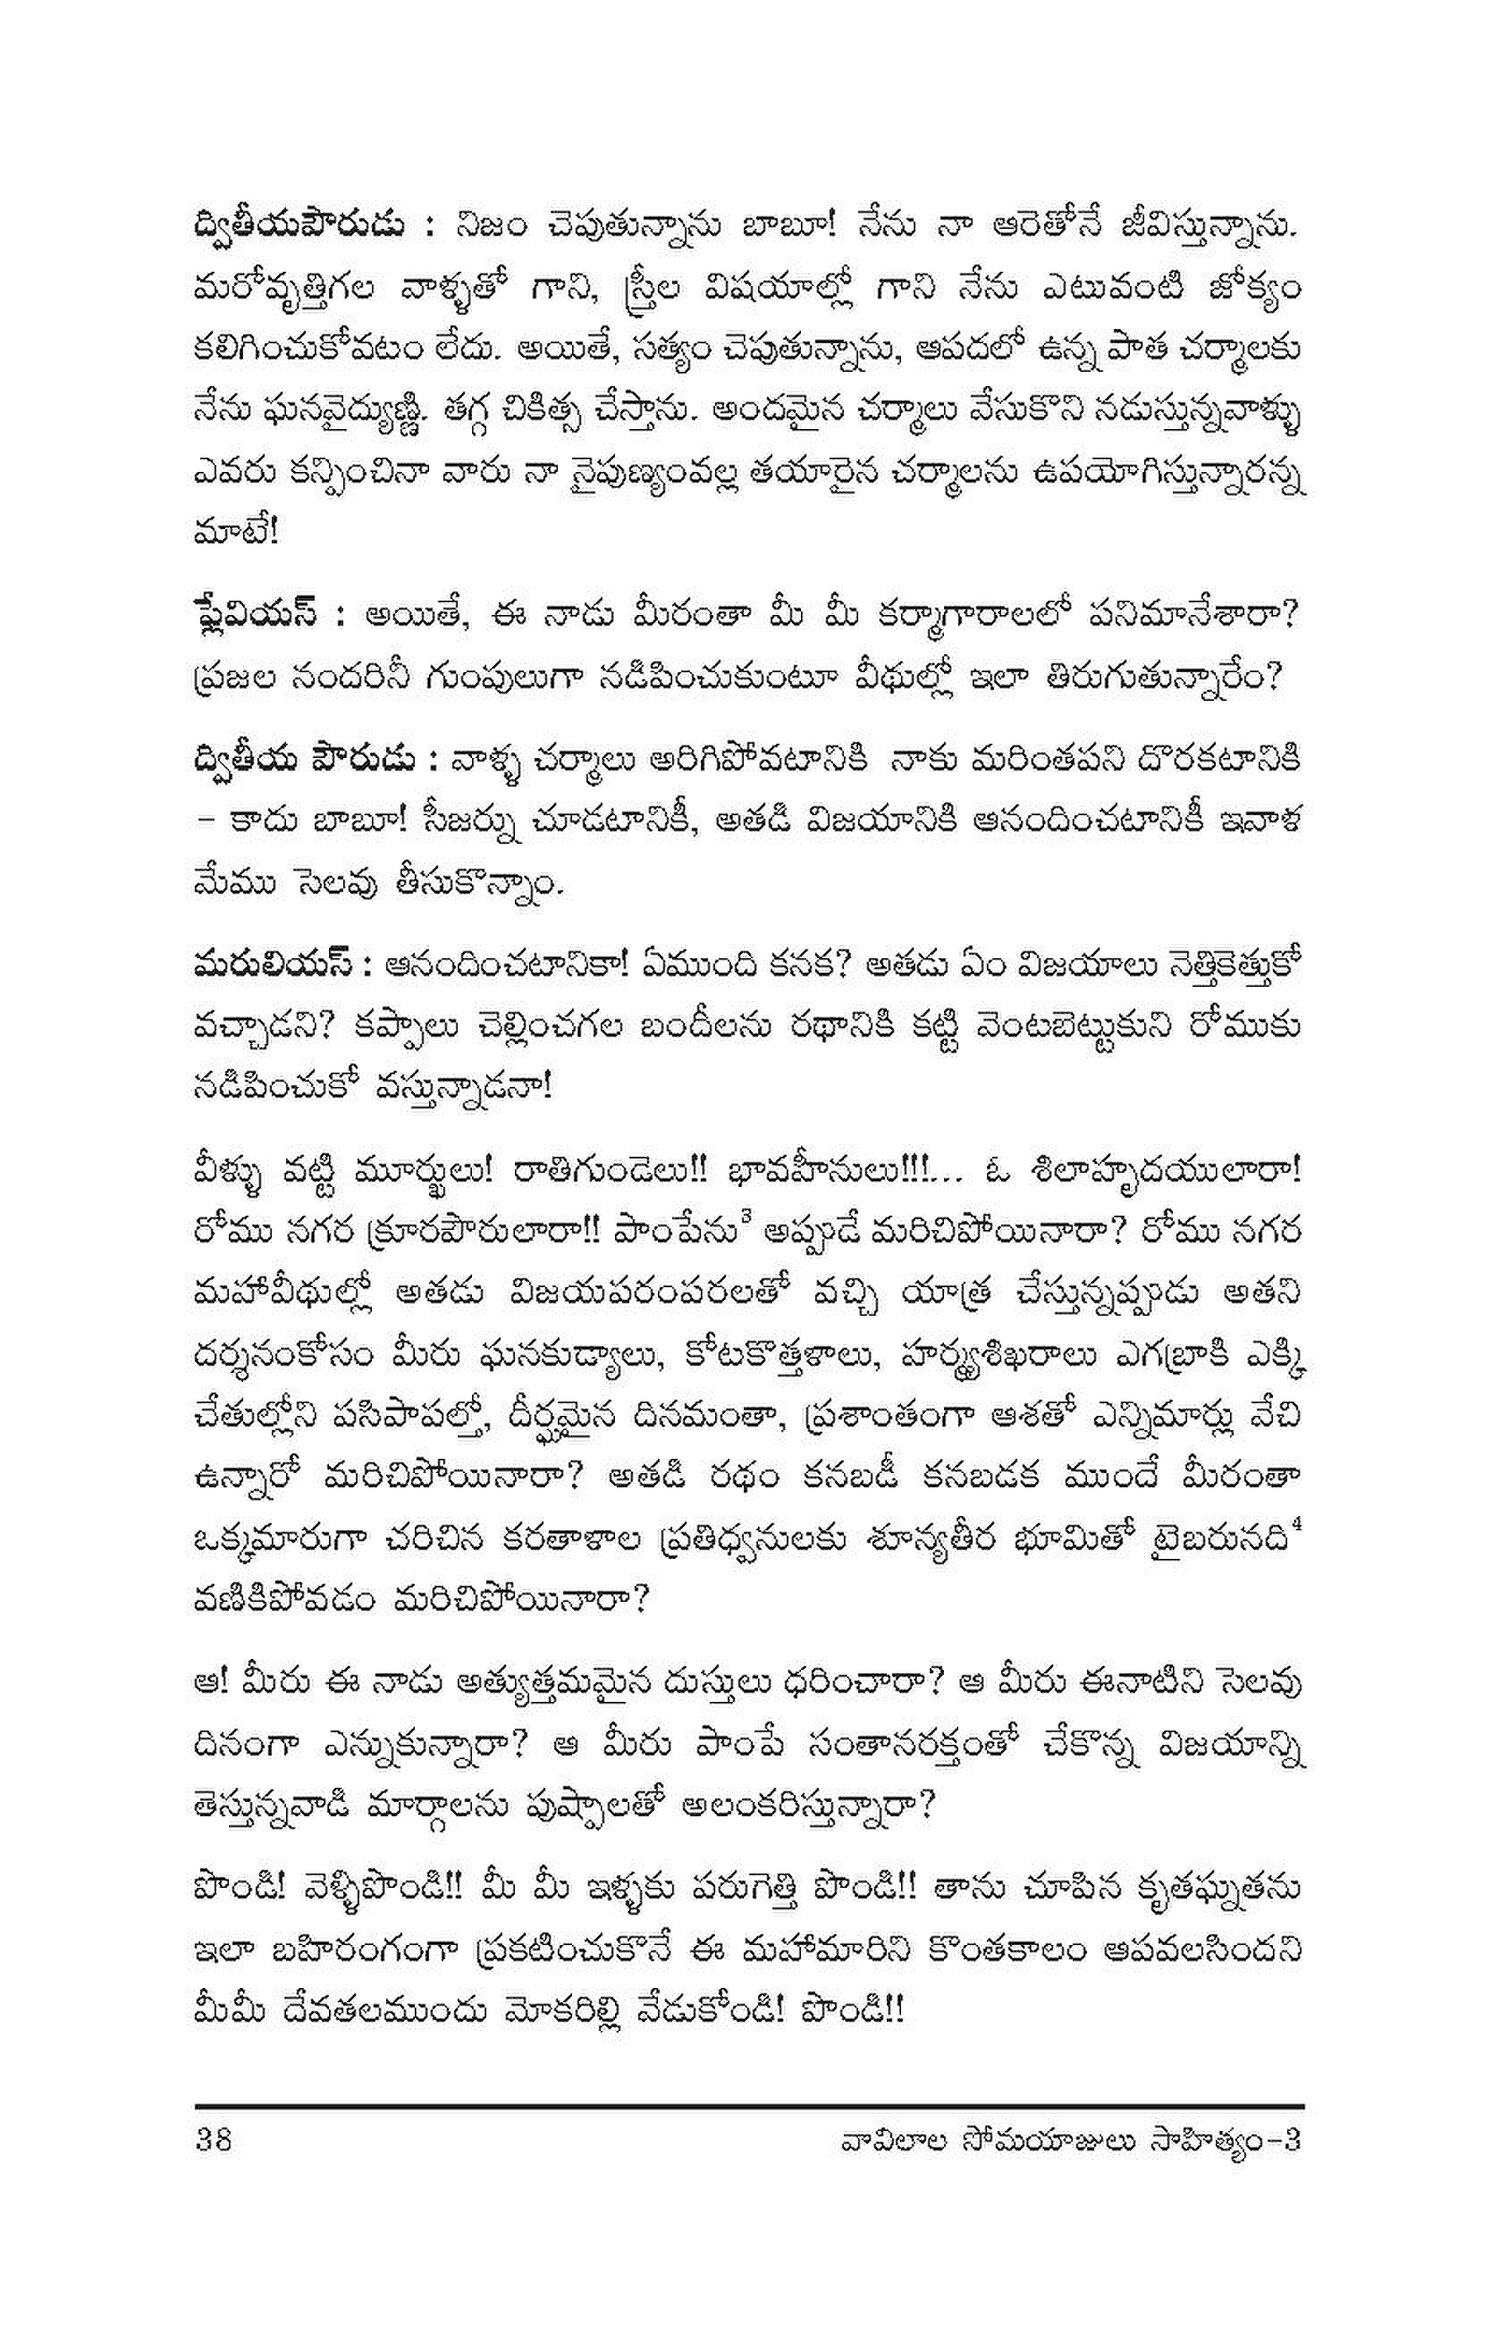ద్వితీయపౌరుడు : నిజం చెపుతున్నాను బాబూ! నేను నా ఆరెతోనే జీవిస్తున్నాను. మరోవృత్తిగల వాళ్ళతో గాని, స్త్రీల విషయాల్లో గాని నేను ఎటువంటి జోక్యం కలిగించుకోవటం లేదు. అయితే, సత్యం చెపుతున్నాను, ఆపదలో ఉన్న పాత చర్మాలకు నేను ఘనవైద్యుణ్ణి. తగ్గ చికిత్స చేస్తాను. అందమైన చర్మాలు వేసుకొని నడుస్తున్నవాళ్ళు ఎవరు కన్పించినా వారు నా నైపుణ్యంవల్ల తయారైన చర్మాలను ఉపయోగిస్తున్నారన్న మాటే!

ఫ్లేవియస్ : అయితే, ఈ నాడు మీరంతా మీ మీ కర్మాగారాలలో పనిమానేశారా? ప్రజల నందరినీ గుంపులుగా నడిపించుకుంటూ వీథుల్లో ఇలా తిరుగుతున్నారేం?

ద్వితీయ పౌరుడు : వాళ్ళ చర్మాలు అరిగిపోవటానికి నాకు మరింతపని దొరకటానికి- కాదు బాబూ! సీజర్ను చూడటానికీ, అతడి విజయానికి ఆనందించటానికీ ఇవాళ మేము సెలవు తీసుకొన్నాం.

మరులియస్ : ఆనందించటానికా! ఏముంది కనక? అతడు ఏం విజయాలు నెత్తికెత్తుకో వచ్చాడని? కప్పాలు చెల్లించగల బందీలను రథానికి కట్టి వెంటబెట్టుకుని రోముకు నడిపించుకో వస్తున్నాడనా!

వీళ్ళు వట్టి మూర్ఖులు! రాతిగుండెలు!! భావహీనులు!!!... ఓ శిలాహృదయులారా! రోము నగర క్రూరపౌరులారా!! పాంపేను' అప్పుడే మరిచిపోయినారా? రోము నగర మహావీథుల్లో అతడు విజయపరంపరలతో వచ్చి యాత్ర చేస్తున్నప్పుడు అతని దర్శనంకోసం మీరు ఘనకుడ్యాలు, కోటకొత్తళాలు, హర్మ్యశిఖరాలు ఎగబ్రాకి ఎక్కి చేతుల్లోని పసిపాపల్తో, దీర్ఘమైన దినమంతా, ప్రశాంతంగా ఆశతో ఎన్నిమార్లు వేచి ఉన్నారో మరిచిపోయినారా? అతడి రథం కనబడీ కనబడక ముందే మీరంతా ఒక్కమారుగా చరిచిన కరతాళాల ప్రతిధ్వనులకు శూన్యతీర భూమితో టైబరునది వణికిపోవడం మరిచిపోయినారా?

ఆ! మీరు ఈ నాడు అత్యుత్తమమైన దుస్తులు ధరించారా? ఆ మీరు ఈనాటిని సెలవు దినంగా ఎన్నుకున్నారా? ఆ మీరు పంపే సంతానరక్తంతో చేకొన్న విజయాన్ని తెస్తున్నవాడి మార్గాలను పుష్పాలతో అలంకరిస్తున్నారా?

పొండి! వెళ్ళిపొండి!! మీ మీ ఇళ్ళకు పరుగెత్తి పొండి!! తాను చూపిన కృతఘ్నతను ఇలా బహిరంగంగా ప్రకటించుకొనే ఈ మహామారిని కొంతకాలం ఆపవలసిందని మీమీ దేవతలముందు మోకరిల్లి వేడుకోండి! పొండి!!
38
వావిలాల సోమయాజులు సాహిత్యం-3